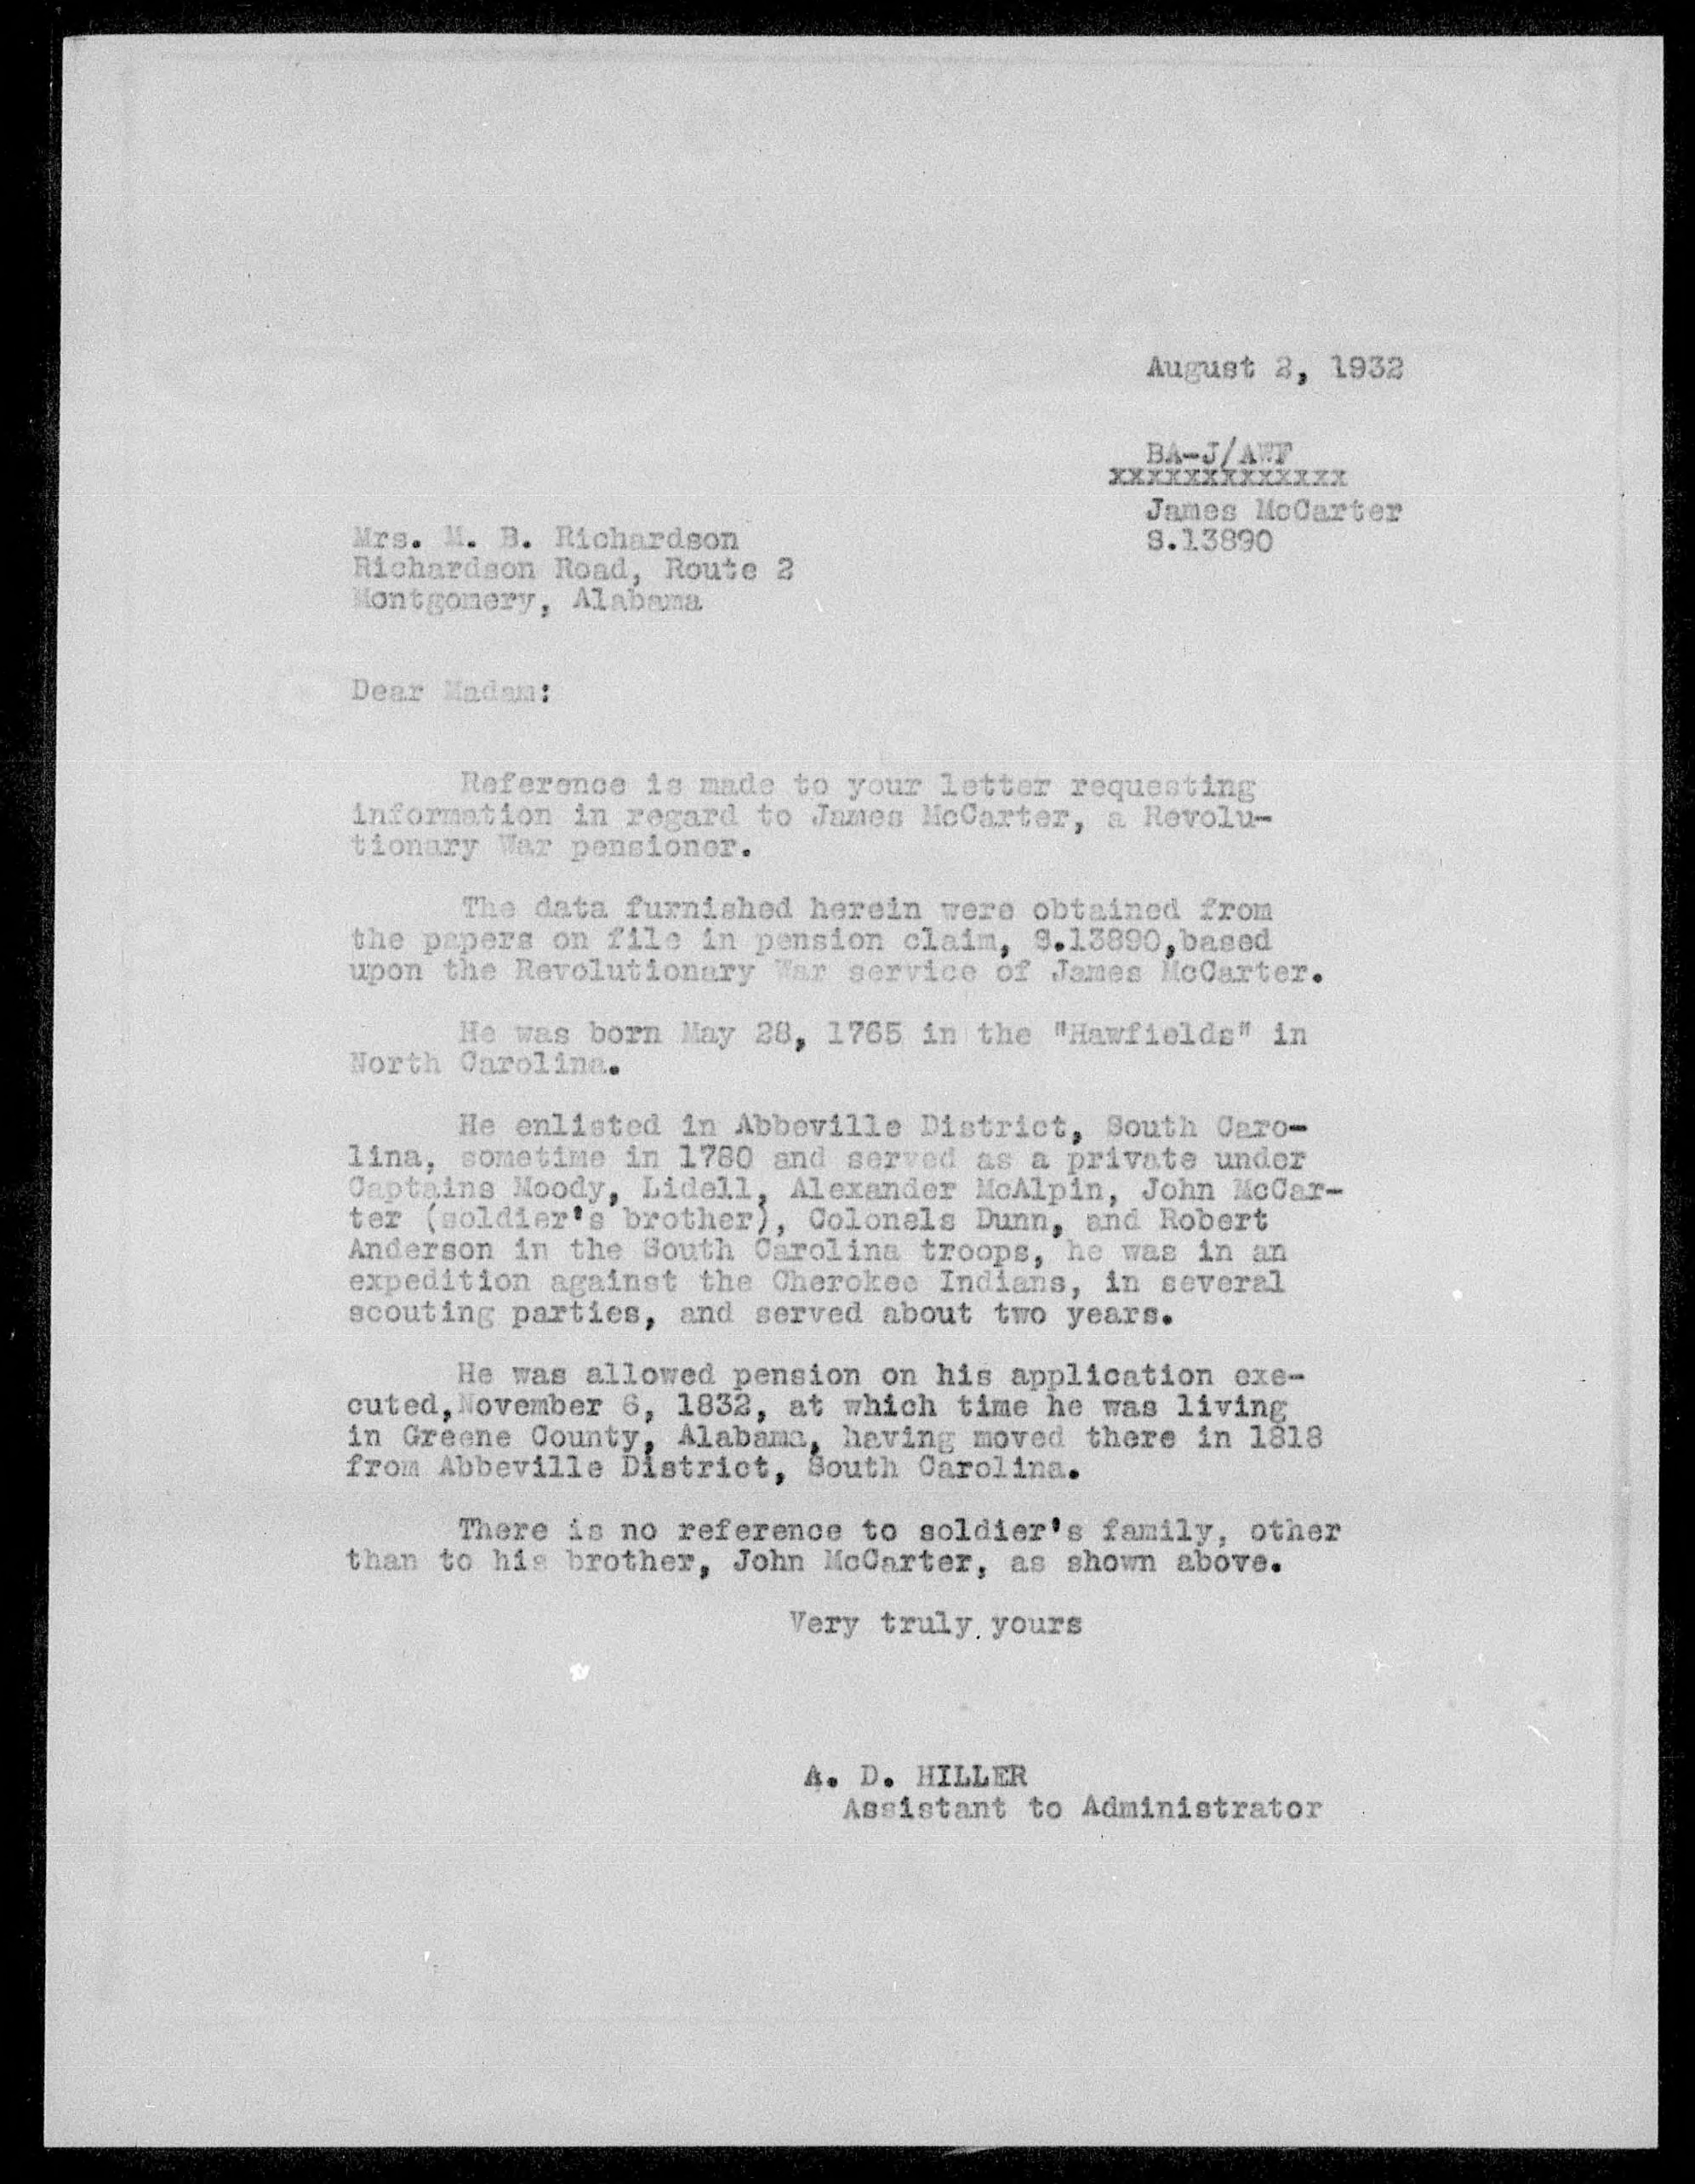August 2, 1932
BA-J/AWF
XXXXXXXXXXXX
James McCarter
S. 13890

Mrs. M. B. Richardson
Richardson Road, Route 2
Montgomery, Alabama

Dear Madam:

Reference is made to your letter requesting
information in regard to James McCarter, a Revolutionary War pensioner.

The data furnished herein were obtained from
the papers on file in pension claim, S.18890, based upon the Revolutionary War service of James McCarter.

He was born May 28, 1765 in the "Hawfields in
North Carolina. He enlisted in Abbeville District, South Carolina, sometime in 1780 and served as a private under Captains Moody, Lidell, Alexander McAlpin, John McCarter
(soldier's brother), Colonels Dunn, and Robert
Anderson in the South Carolina troops, he was in an expedition against the Cherokee Indians, in several scouting parties, and served about two years.

He was allowed pension on his application executed, November 6, 1832, at which time he was living in Greene County, Alabama, having moved there in 1818 from Abbeville District, South Carolina.

There is no reference to soldier's family, other
than to his brother, John McCarter, as shown above.

Very truly yours
A. D. HILLER
Assistant to Administrator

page: 11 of 45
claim: survivor's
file: S. 13,890, for James Mc Carter, South Carolina